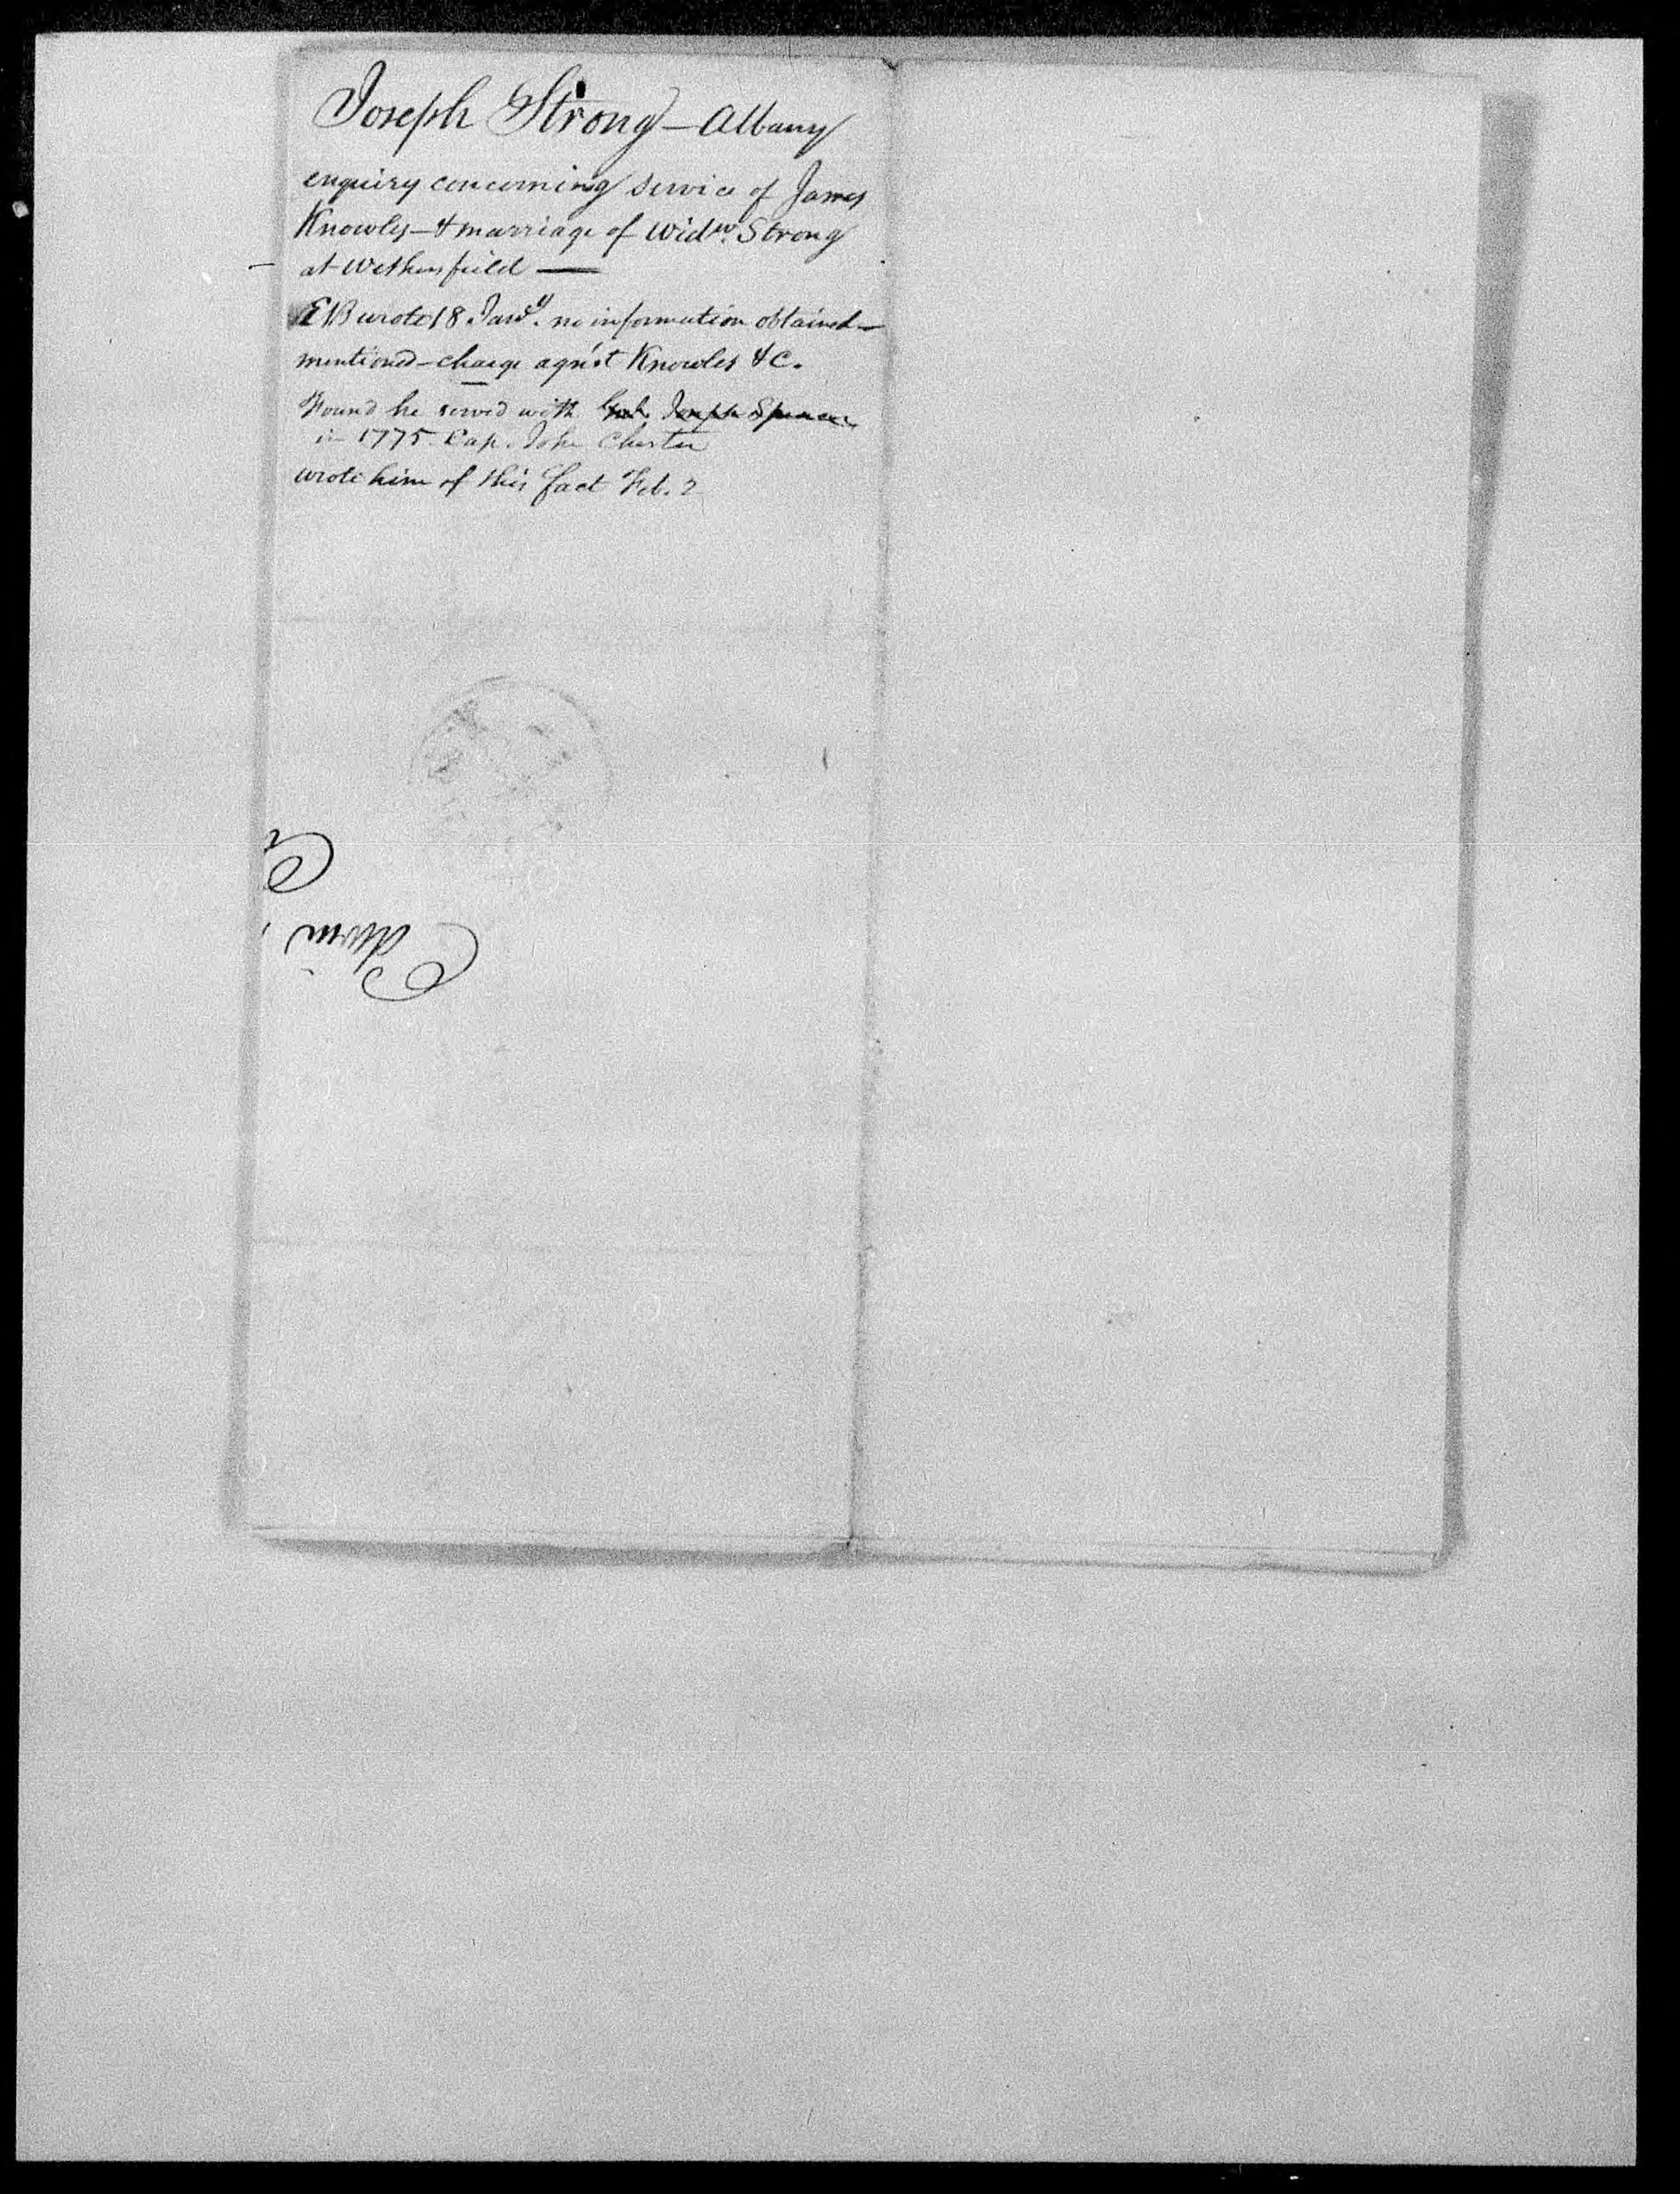Joseph Strong--Albany
enquiry concerning service of James Knowles--of marriage of widw. Strong at Wethersfield--
ElB wrote 18. Jany. no information obtained--mentioned--charge against Knowles & C.
Found he served with Genl.  Joseph Spencer (lightly crossed out name) in 1775 Cap. John Chester
wrote him of this fact Feb. 2 

Edwin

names: Joseph Strong; James Knowles; John Chester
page: 27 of 60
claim: widow's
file: W. 14,036, for James Knowles, Connecticut